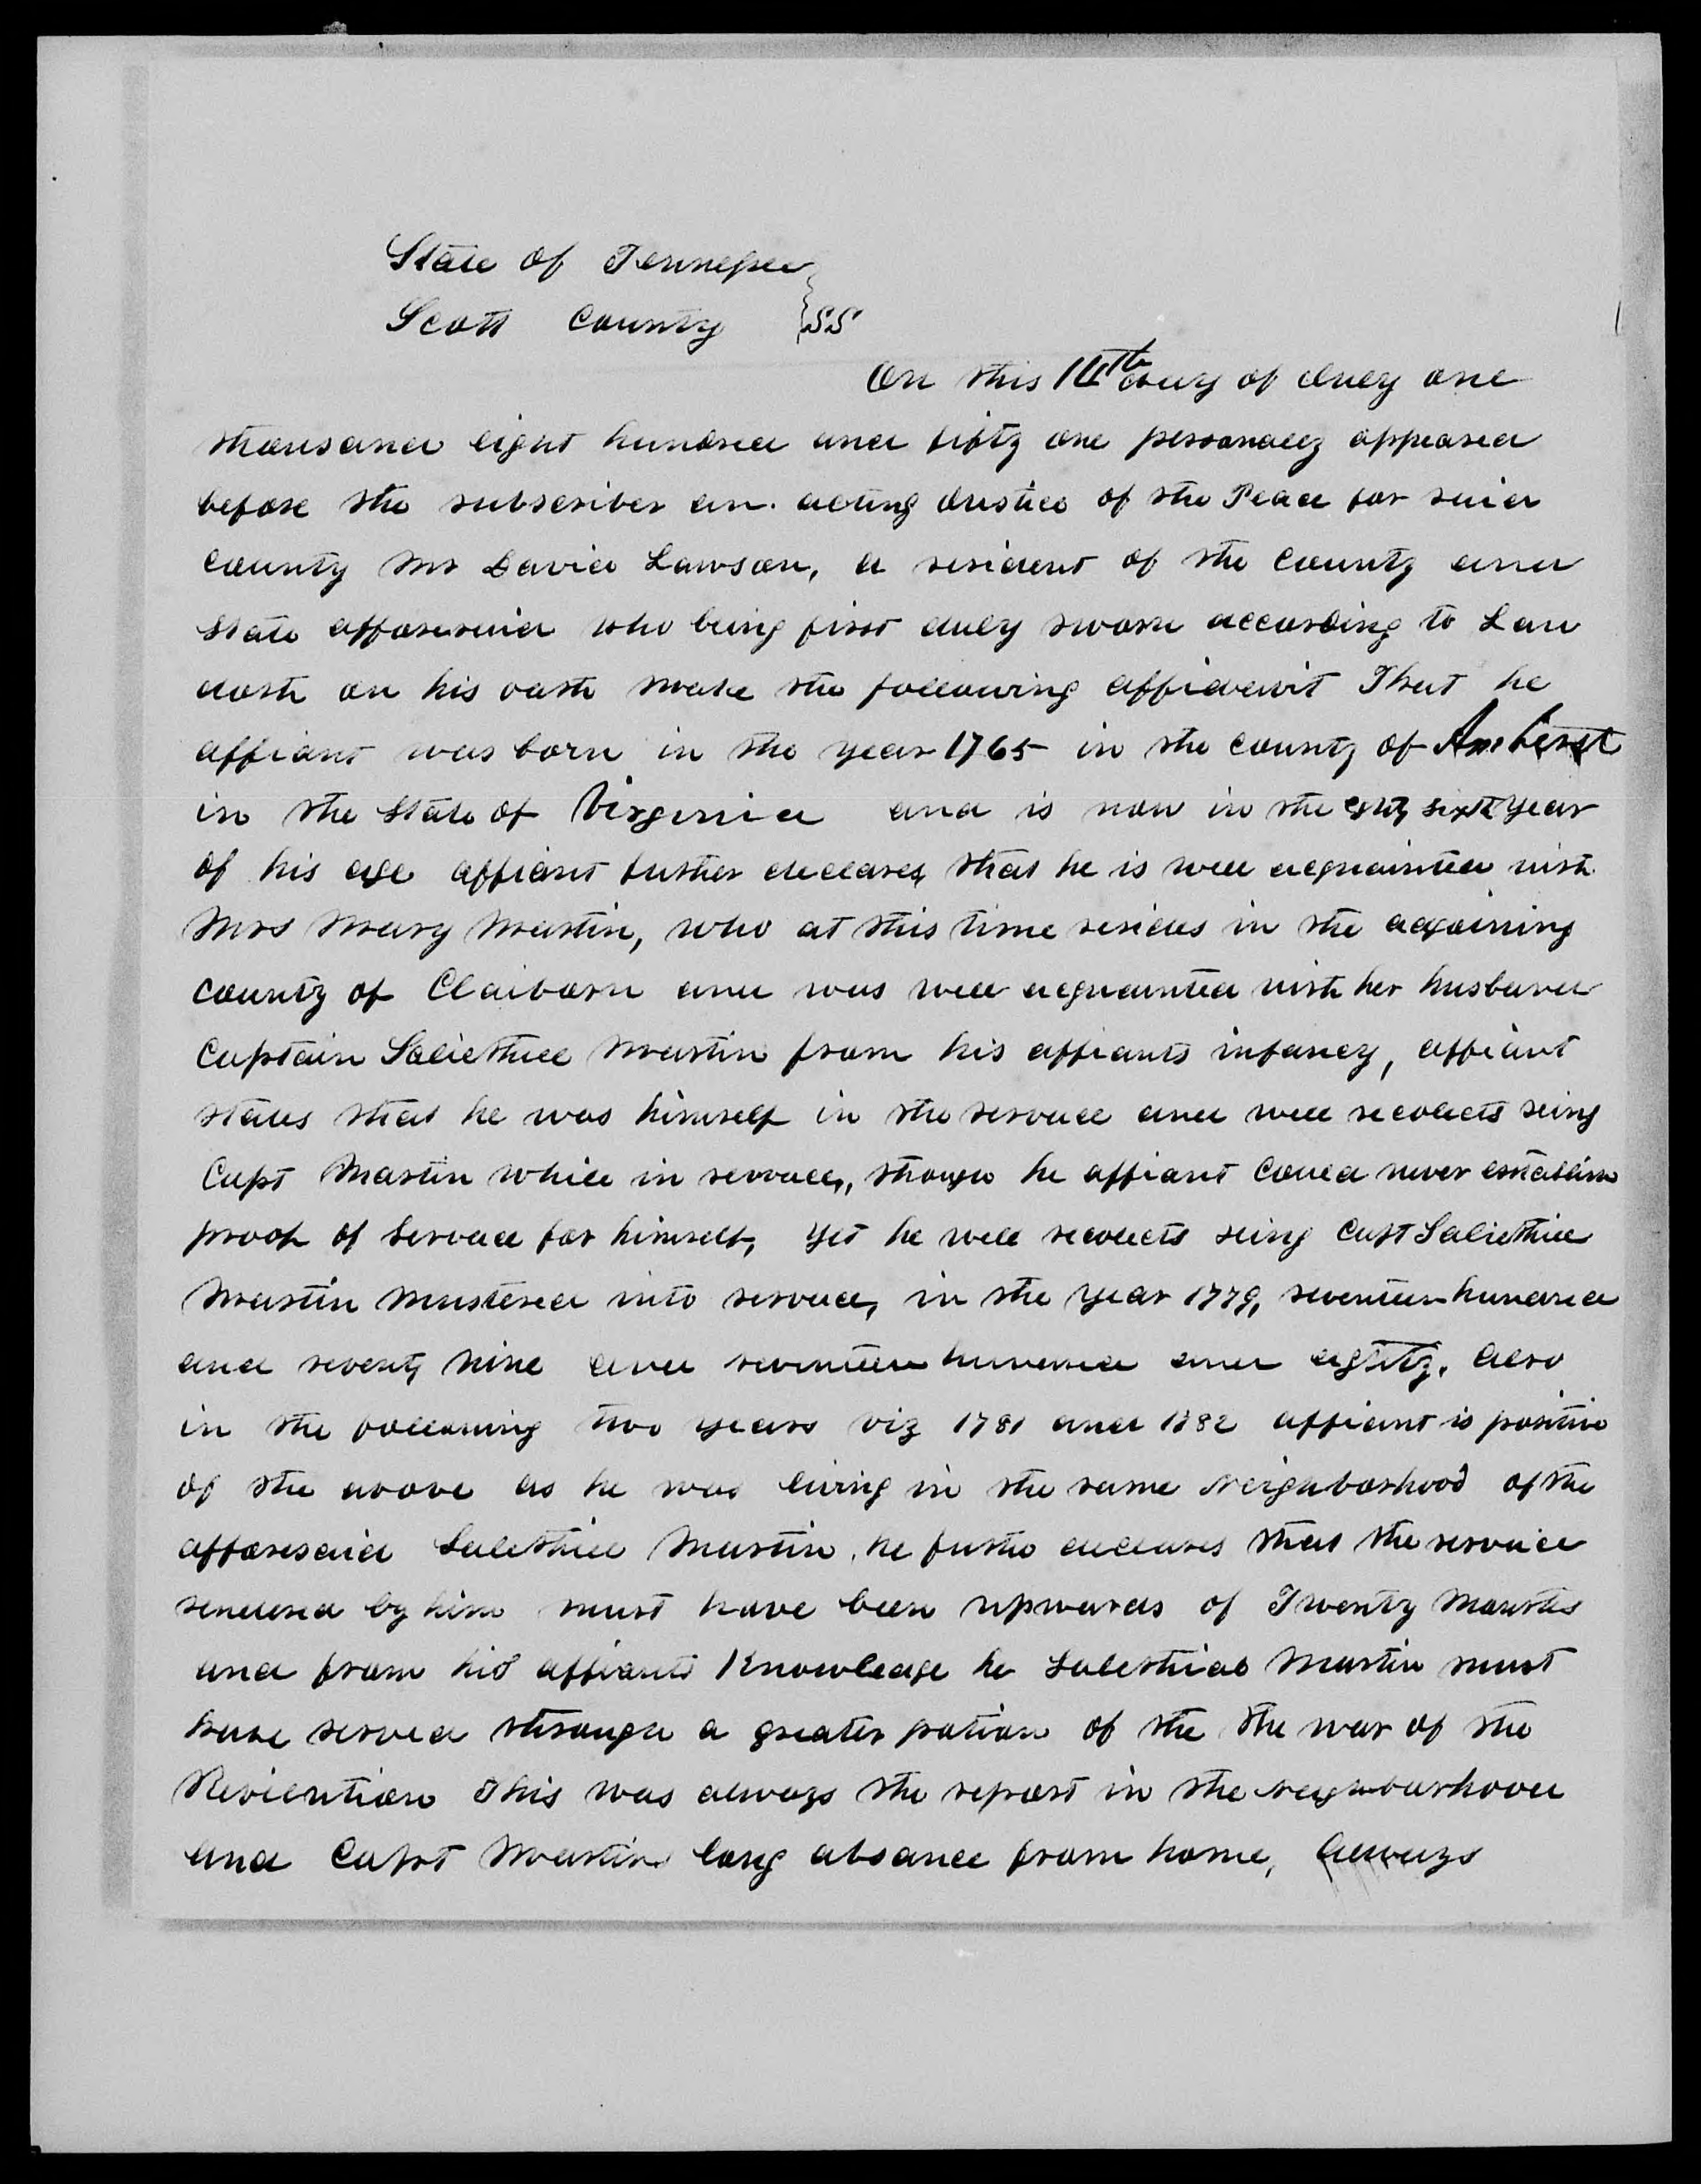State of Tennessee )
Scott County          )SS
On this 14th day of July one
thousand eight hundred and fifty one personally appeared
before the subscriber an acting Justice of the Peace for said
County Mr David Lawson, a resident of the County and
State afforesaid [aforesaid] who being first duly sworn according to Law
doth on his oath make the following affidavit That he
affiant was born in the year 1765 in the county of Amherst
in the State of Virginia and is now in the eighty sixth year
of his age affiant further declares that he is well acquainted with
Mrs Mary Martin, who at this time resides in the adjoining
County of Claiborn and was well acquainted with her husband
Captain Saliethiel [Salathiel] Martin from his affiants infancy, affiant
states that he was himself in the service and well recolects [recollects] seeing
Capt Martin while in servace [service], though he affiant could never establish
proof of service for himself, Yet he well recolects [recollects] seing [seeing] Capt Saliethiel {Salathiel]
Martin mustered into servace [service] in the year 1779, seventeen hundred
and seventy nine and seventeen hundred and eighty, also
in the [illegible] two years viz 1781 and 1782 affiant is positive
of the above as he was living in the same neighborhood of the
afforesaid [aforesaid] Salethiel [Salathiel} Martin, he further declares that the servace [service]
rendered by him must have been upwards of Twenty months
and from his affiants knowledge he Salathiel Martin must
have served through a greater pation [portion] of the the war of the
Reviention [Revolution] this was always the report in the neighborhood
and Capt Martin long absence from home, [illegible]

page: 74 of 120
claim: widow's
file: W. 1044, for Salathiel Martin, North Carolina